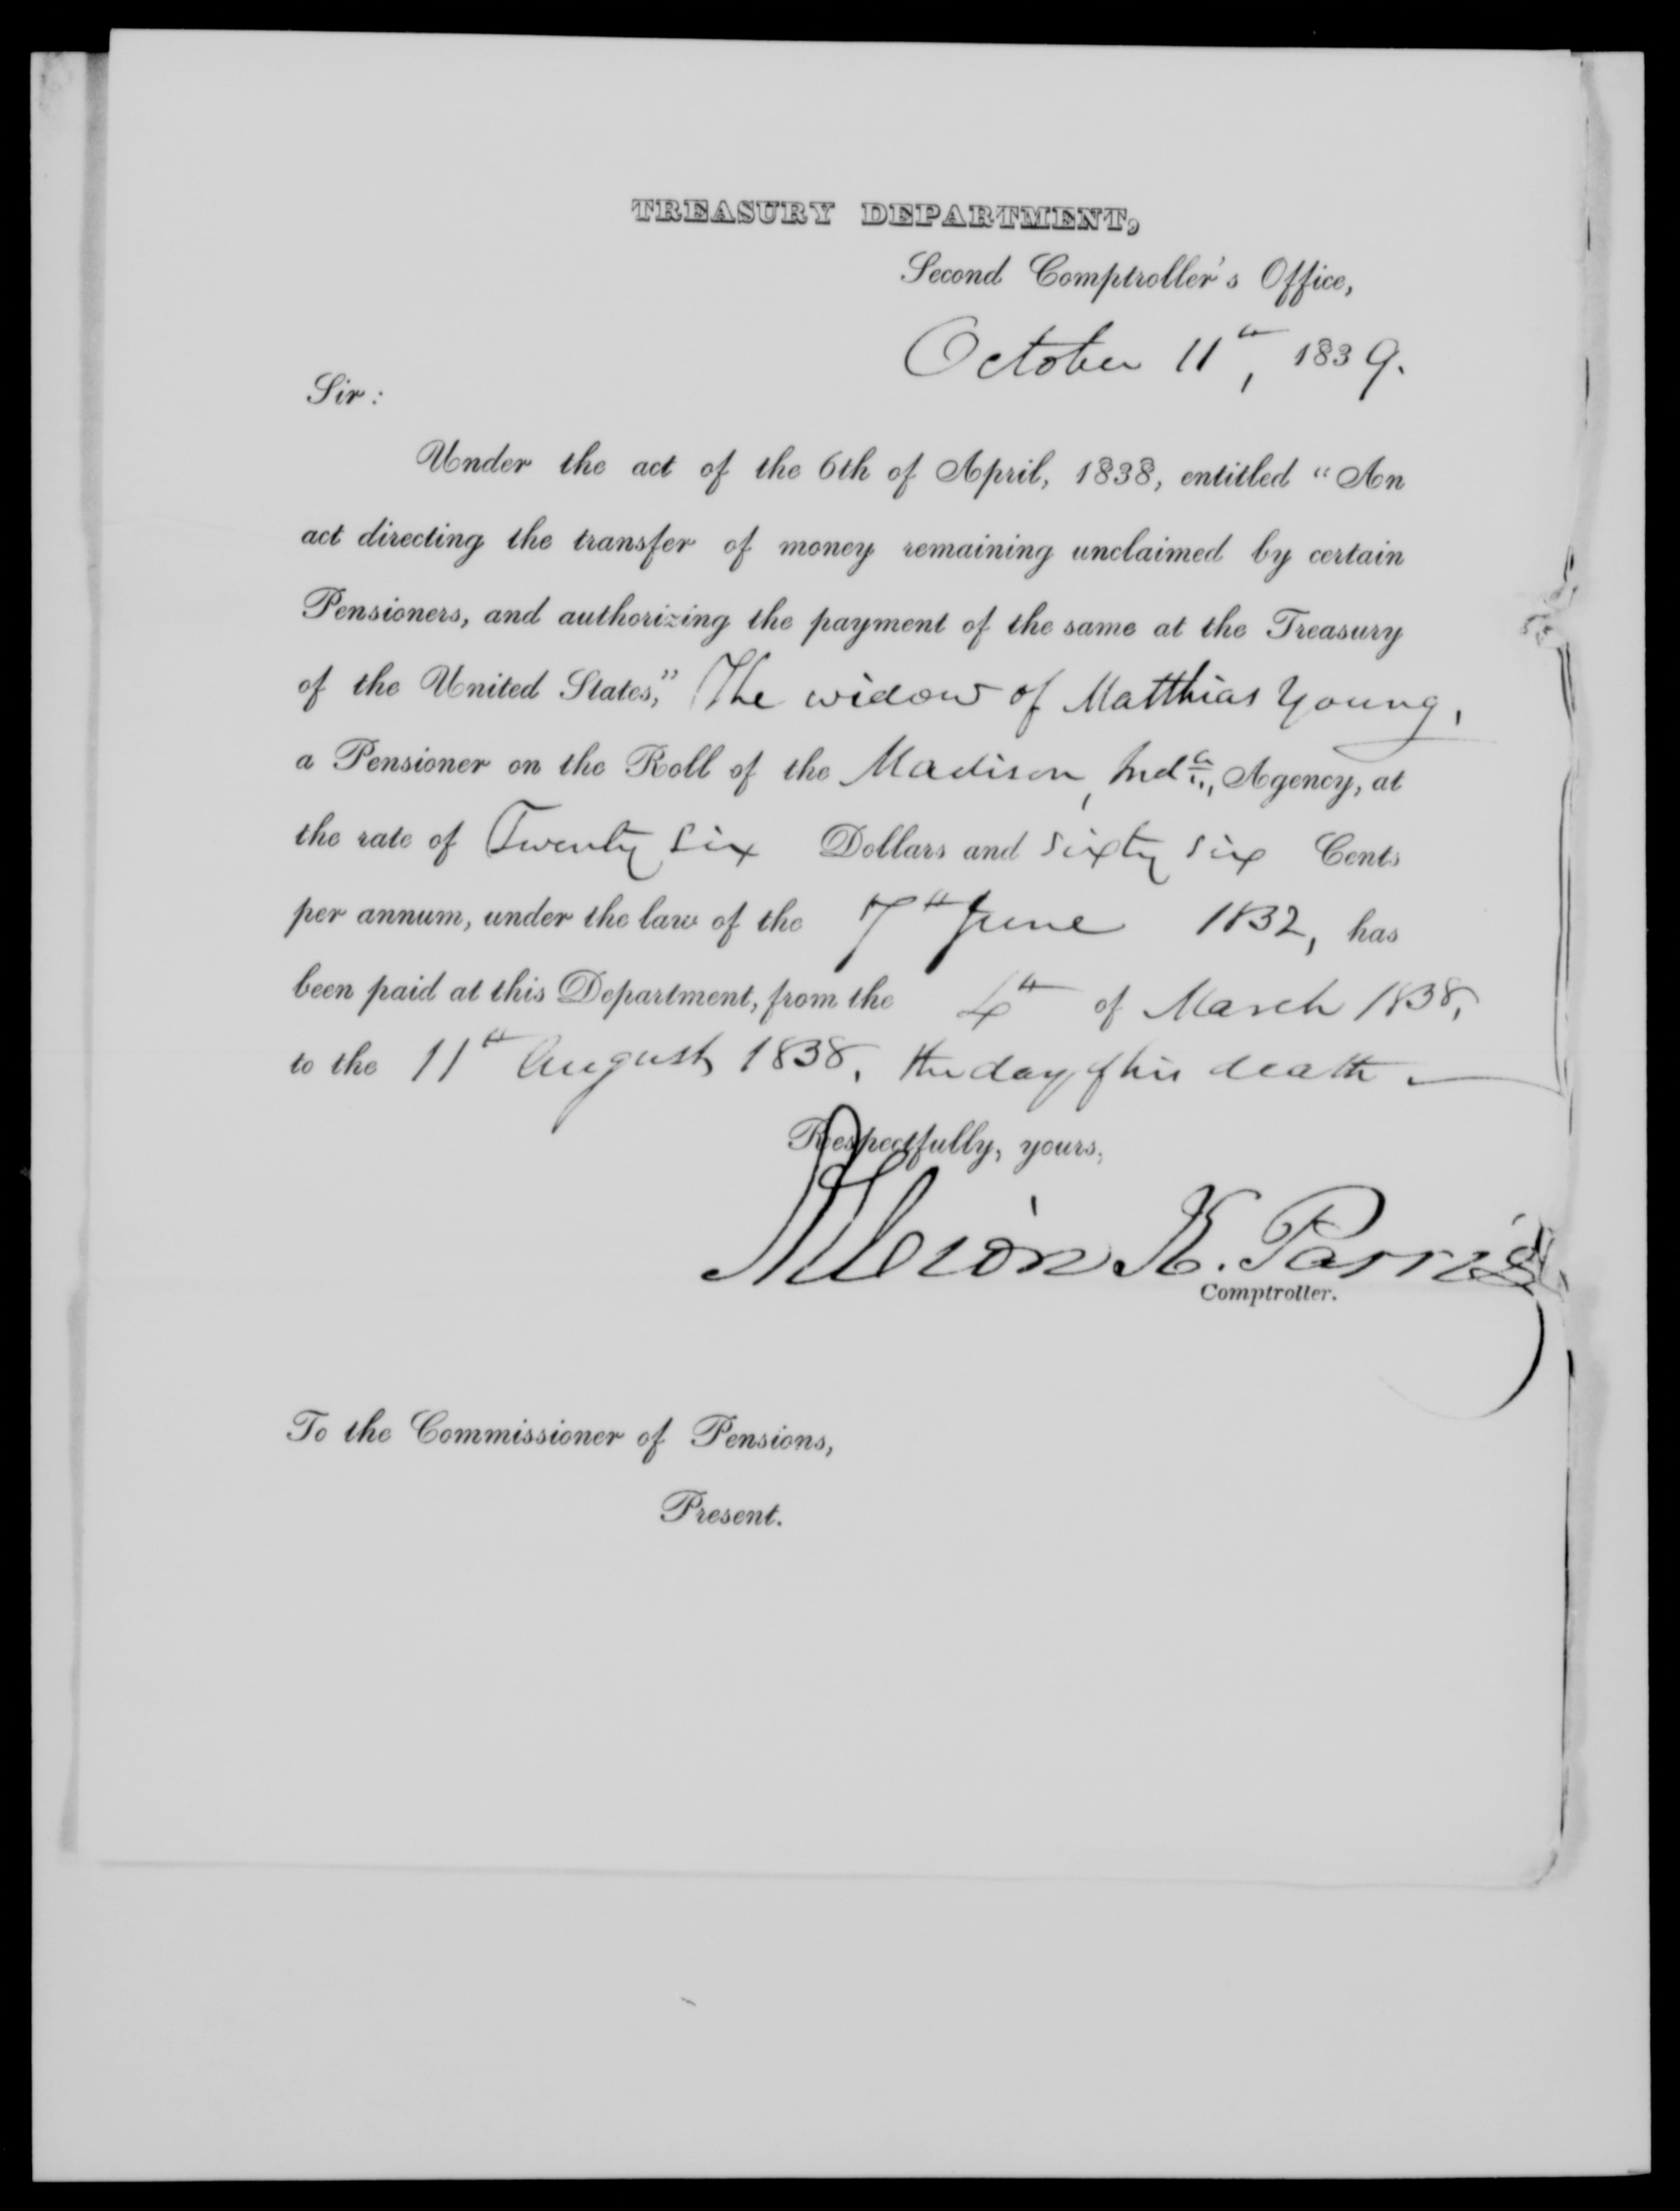TREASURY DEPARTMENT,
Second Comptroller's Office
October 11th 1839
Sir:
Under the act of the 6th of April, 1838, entitled "An
act directing the transfer of money remaining unclaimed by certain Pensioners, and authorizing the payment of the same at the Treasury
of the United States”, The widow of Matthias Young
a Pensioner on the Roll of the Madison, Md Agency, at the rate of Twenty Six Dollars and sixty six Cents
per annum, under the law of the 7th June 1832, has
been paid at this Department, from the 4th of March 1838, to the 11th August 1838, the day of his death.
Respectfully, yours,
Albion K. Parris
Comptroller

To the Commissioner of Pensions
Present.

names: Matthias Young, Albion K Parris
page: 80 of 123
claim: rejected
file: R. 11,949, Matthias Young, Md.